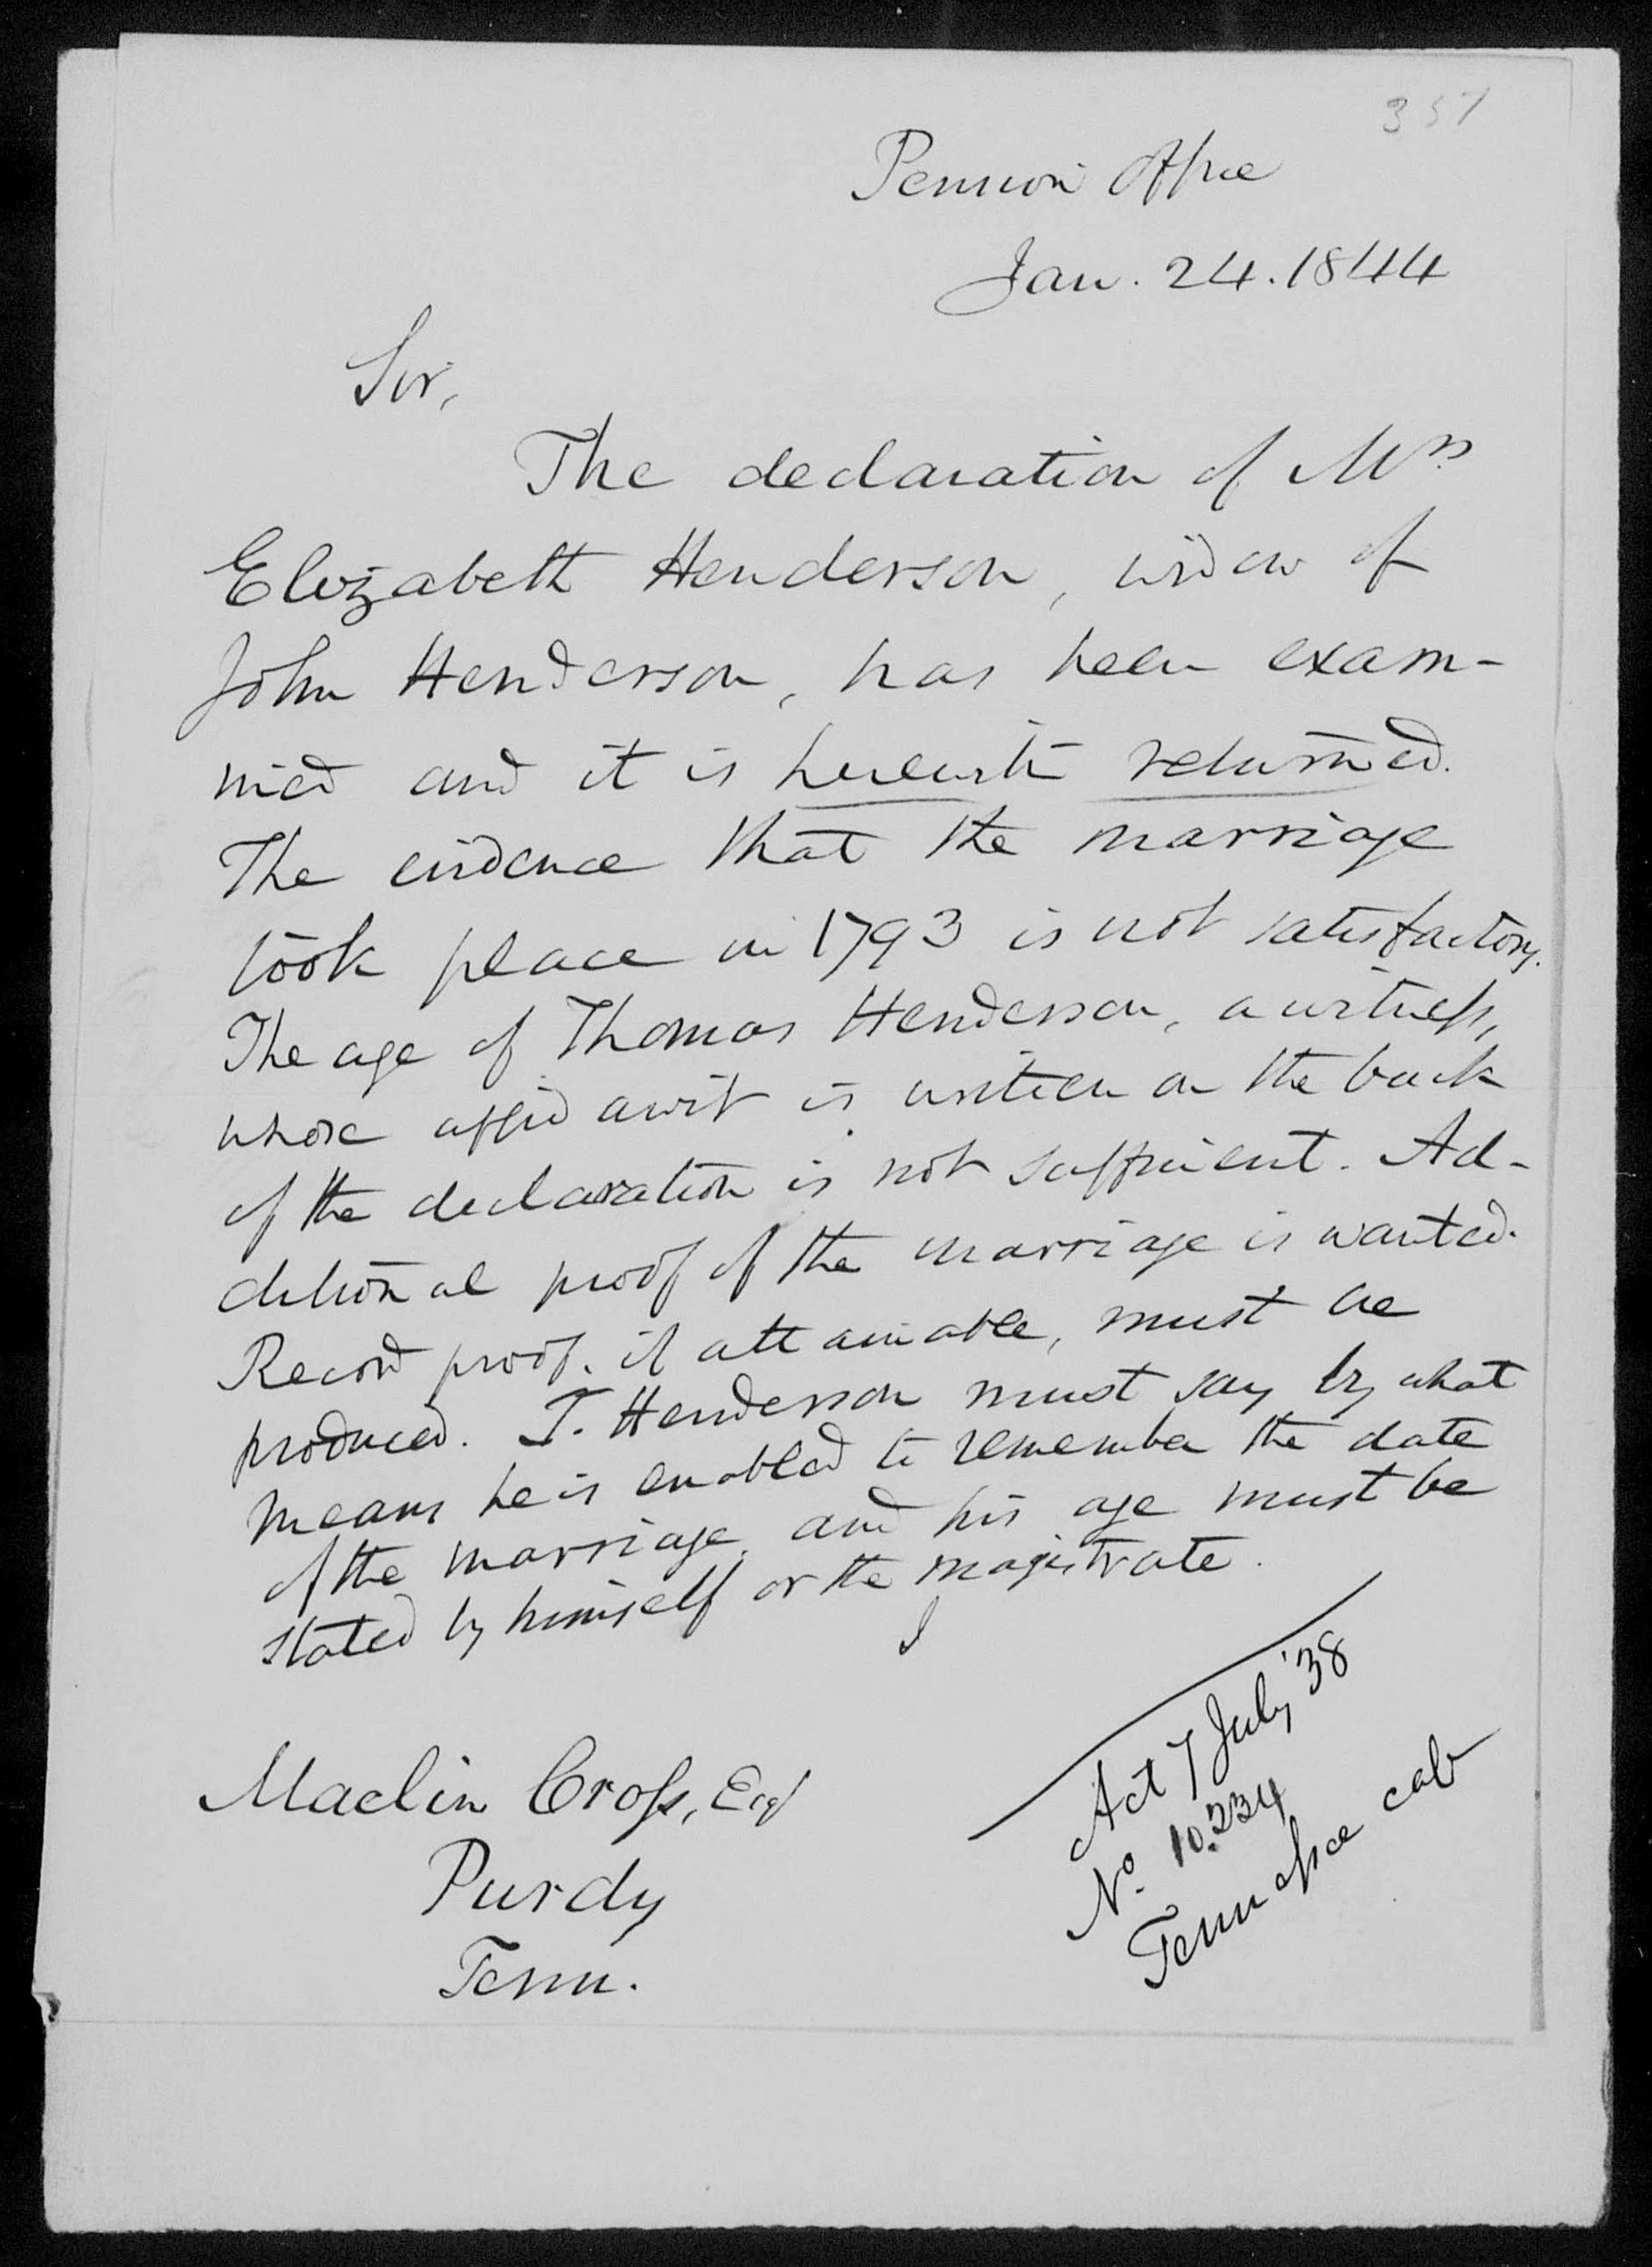Pension Office
Jan. 24. 1844

Sir

The declaration of Mrs
Elizabeth Henderson widow of
John Henderson,  has been exam-
ied and it is herewith returned
The evidence that the marriage
took place in 1793 is not satisfactory
The age of Thomas Henderson, a witness,
whose affidavit is [illegible] an the back
of the declaration is not sufficient. Ad-
ditional proof of the marriage is wanted
Record proof. it attainable, must be
produced.  J. Henderson must say by what
means he is enabled to remember the date
of  the marriage and his age must be
stated by himself or the magistrage.

Maclin Cross, Esq
Purdy
Tenn.
_________________________
Act 7 July '38
No. 10.224
Tenn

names: T Henderson, Thomas Henderson, Maclin Cross, John Henderson, Elizabeth Henderson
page: 27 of 40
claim: rejected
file: R. 4,869, John Henderson, S.C.